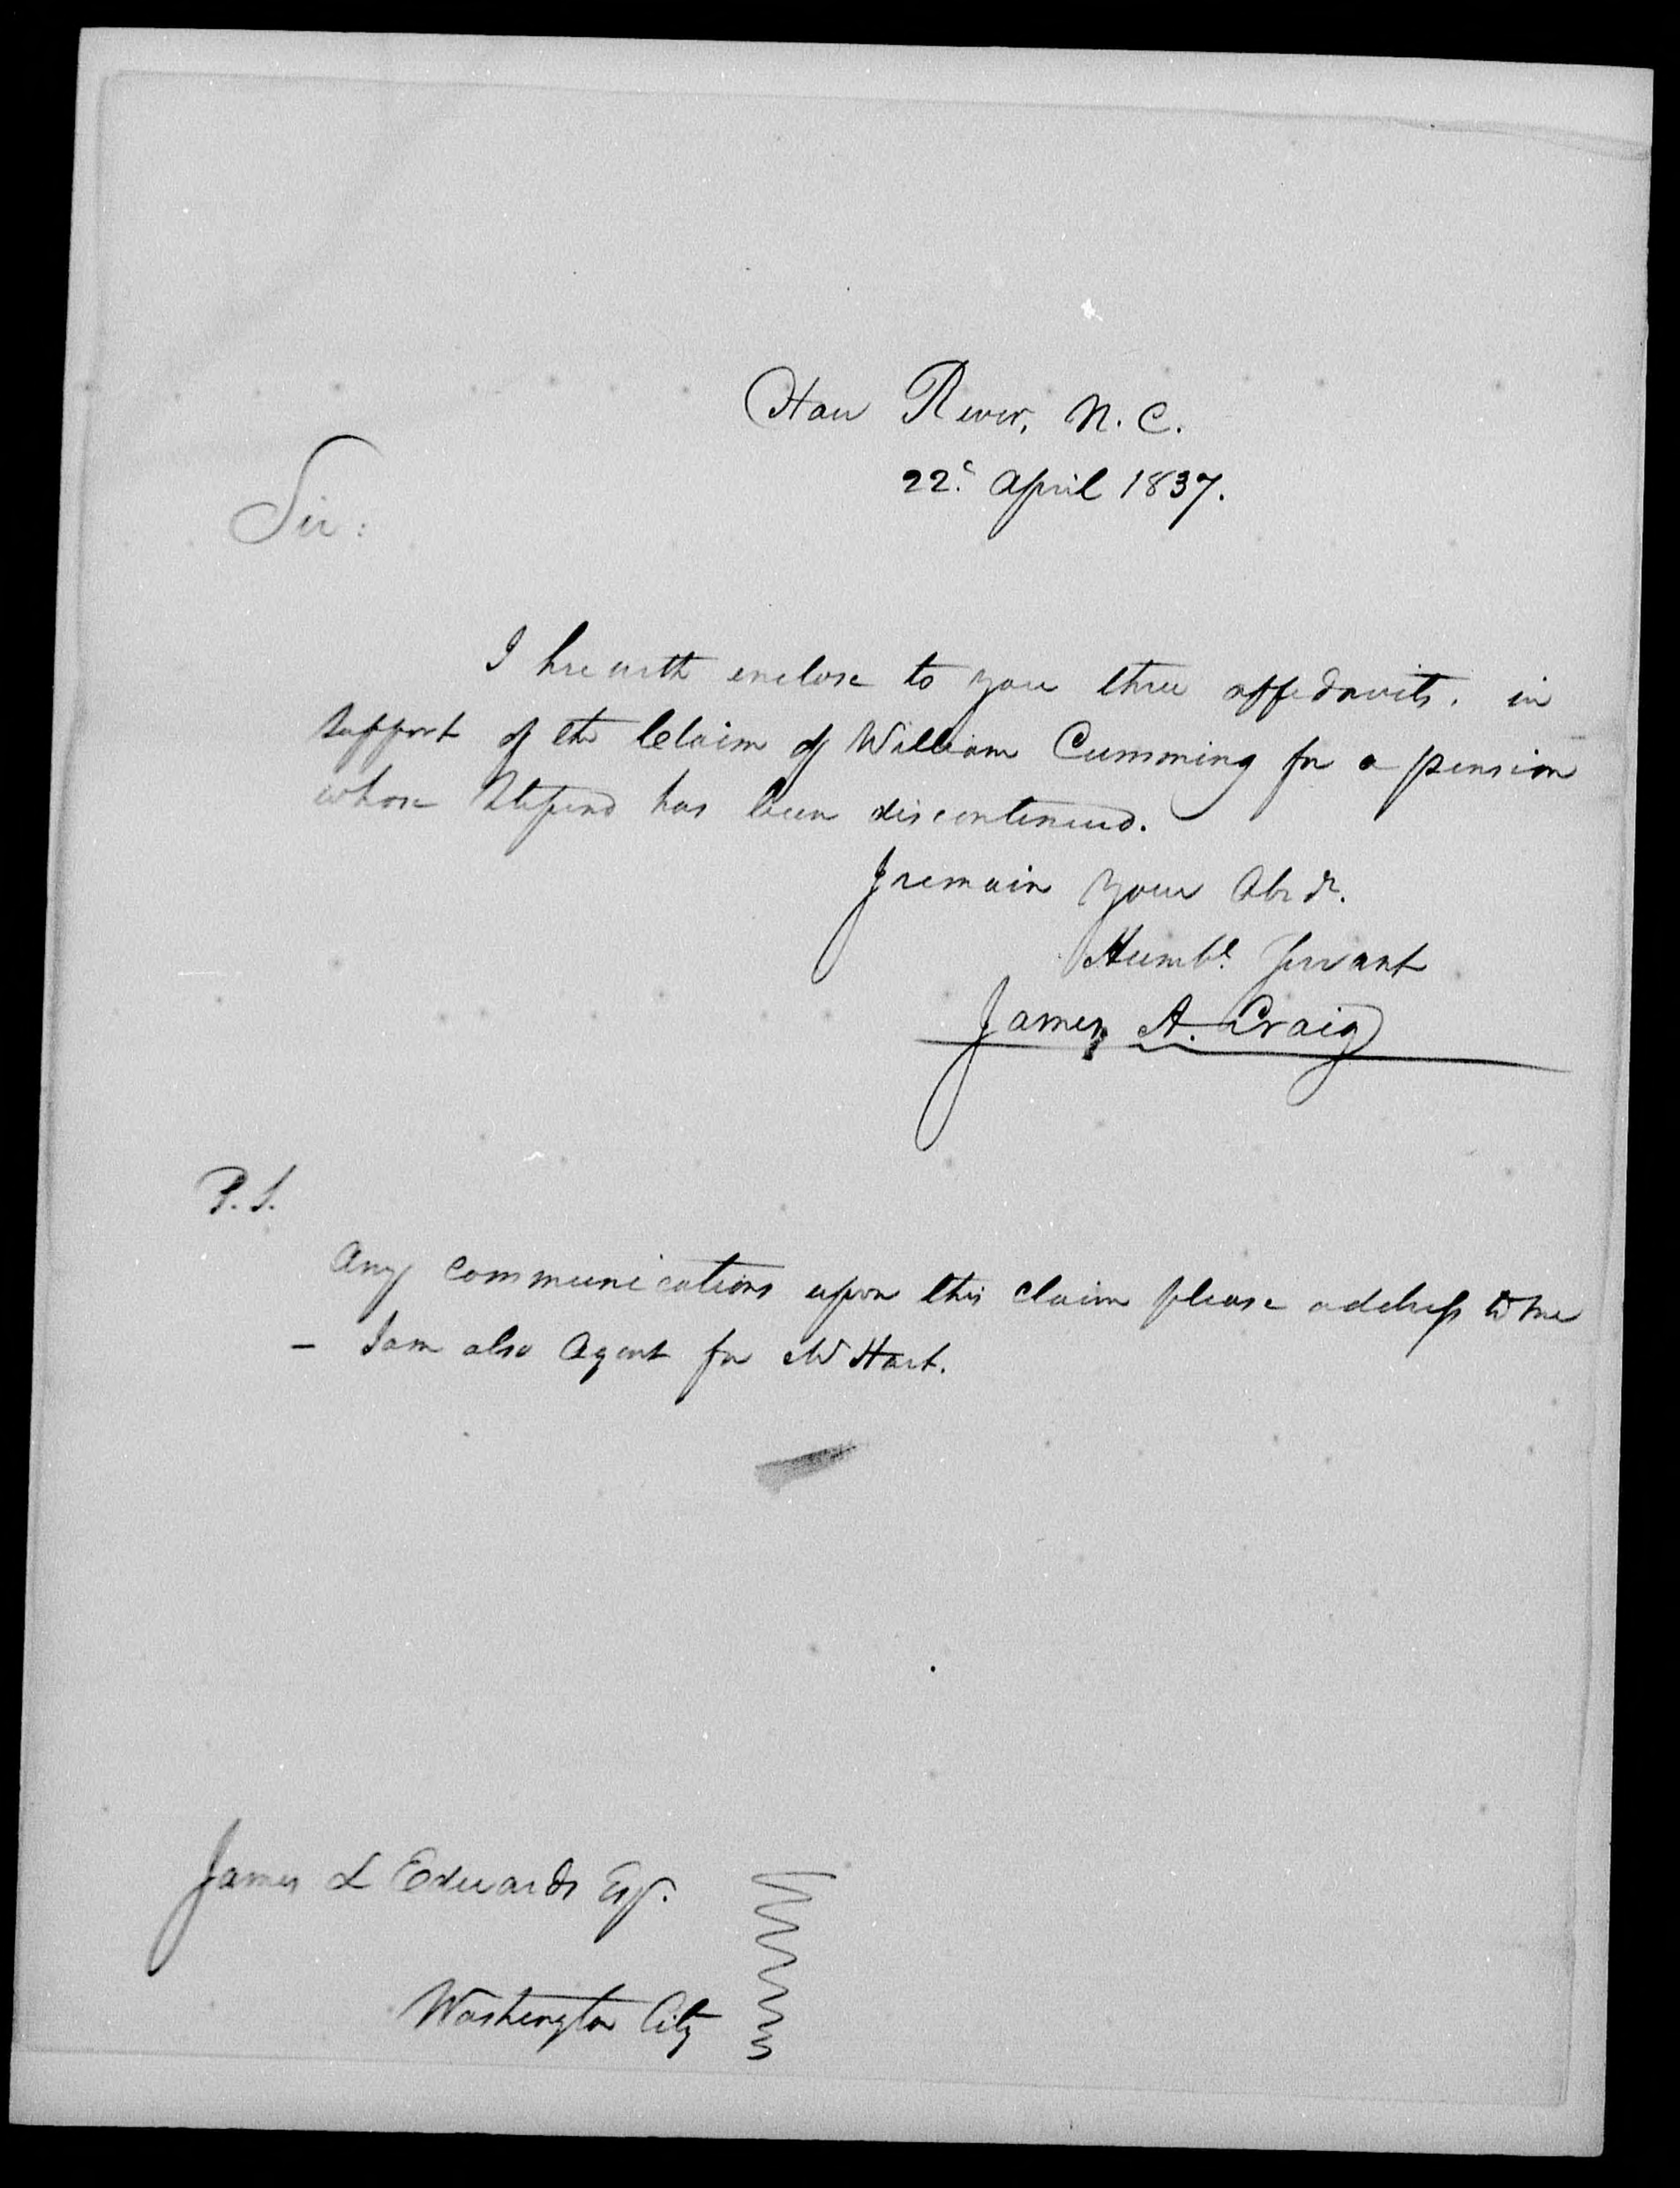Haw River, N.C.
22d. April 1837.

Sir:

I hrewith [hrewith] enclose to you three affidavits, in Support of the Claim of William Cumming for a pension whose Stipend has been discontinued.

I remain Your [illegible, possible abbreviation for:] Obedient
Humbl. [Humble] Servant
[The following signature is underlined:] James A. Craig

P.S.  Any communications upon this Claim please address to me - I am also Agent for W Hart.

James L Edwards Esq. [or Esqr., meaning Esquire])
Washington City)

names: Hart, William Cumming, James A Craig, James L Edwards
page: 29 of 145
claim: survivor's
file: S. 8265, William Cumming, N.C.